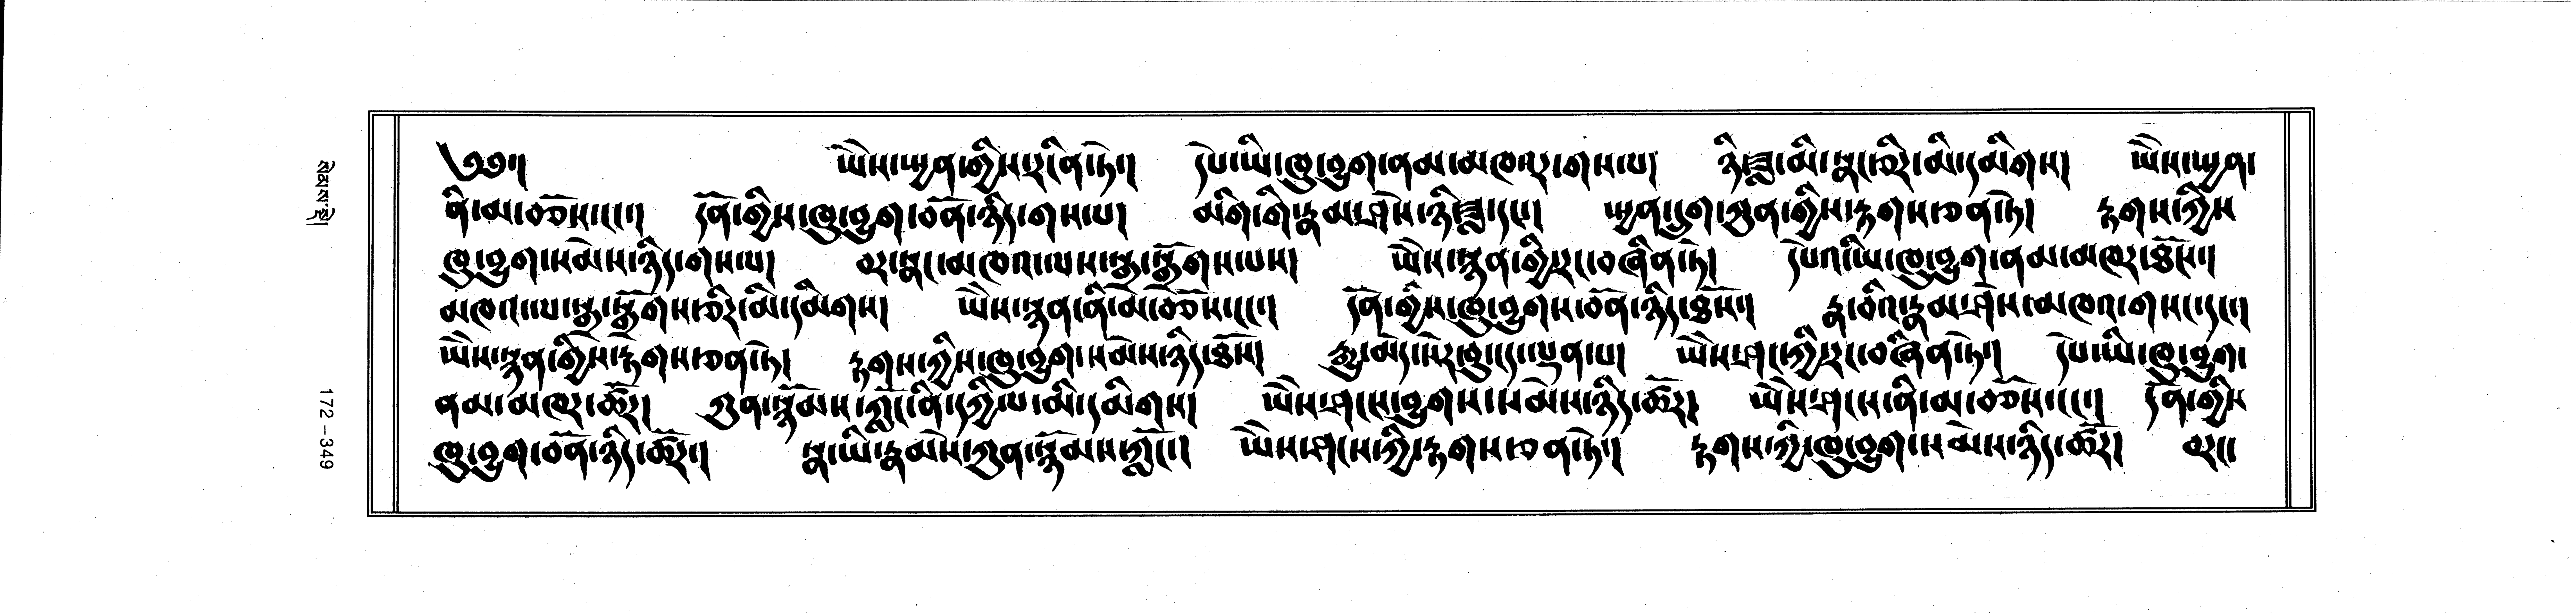ཡེ་ཤེས་སྤྱན་གྱིས་རང་བཞིན་ཏེ། དཔེ་ཡི་ཁུ་བྱུག་ནམ་མཁར་གསལ། ཉི་ཟླ་མི་སྣང་ཅིར་མི་དམིགས། ཡེ་ཤེས་སྤྱན་
ནི་མ་བཅོས་ངང་། དོན་གྱིས་ཁུ་བྱུག་བོན་ཉིད་གསལ། མིག་གི་རྣམ་ཤེས་ཉི་ཟླ་དང་། སྤྲན་དྲུག་ཀུན་གྱིས་རྟགས་ཅན་ཏེ། རྟགས་ཀྱིས་
ཁུ་བྱུག་སེམས་ཉིད་གསལ། བར་སྣང་མཁའ་ལས་སྒྲ་སྒྲོགས་པས། ཡེ་ཤེས་སྙན་གྱི་རང་བཞིན་ཏེ། དཔེའ་ཡི་ཁུ་བྱུག་ནམ་མཁར་ཐོས། 
མཁའ་ལ་སྒྲ་སྒྲོགས་ཅིར་མི་དམིགས། ཡེ་ཤེས་སྙན་ནི་མ་བཅོས་ངང་། དོན་གྱིས་ཁུ་བྱུག་བོན་ཉིད་ཐོས། རྣ་བའི་རྣམ་ཤེས་མཁའ་གསང་དང་། 
ཡེ་ཤེས་སྙན་གྱིས་རྟགས་ཅན་ཏེ། རྟགས་ཀྱིས་ཁུ་བྱུག་སེམས་ཉིད་ཐོས། རྒྱུ་མེད་སེར་བུ་ངད་ལྡན་པ། ཡེ་ཤེས་ཤང་ཀྱི་རང་བཞིན་ཏེ། དཔེ་ཡི་ཁུ་བྱུག་
ནམ་མཁར་ཚོར། ཀུན་སྙོམས་ཀློང་ནི་དཀྱིལ་མི་དམིགས། ཡེ་ཤེས་ཤངས་བྱུག་སེམས་ཉིད་ཚོར། ཡེ་ཤེས་ཤངས་ནི་མ་བཅོས་ངང་། དོན་གྱིས་
ཁུ་བྱུག་བོན་ཉིད་ཚོར། སྣ་ཡི་རྣམ་ཤེས་ཀུན་སྙོམས་ཀློང་། ཡེ་ཤེས་ཤངས་ཀྱི་རྟགས་ཅན་ཏེ། རྟགས་ཀྱི་ཁུ་བྱུག་སེམས་ཉིད་ཚོར། བར་སྣང་